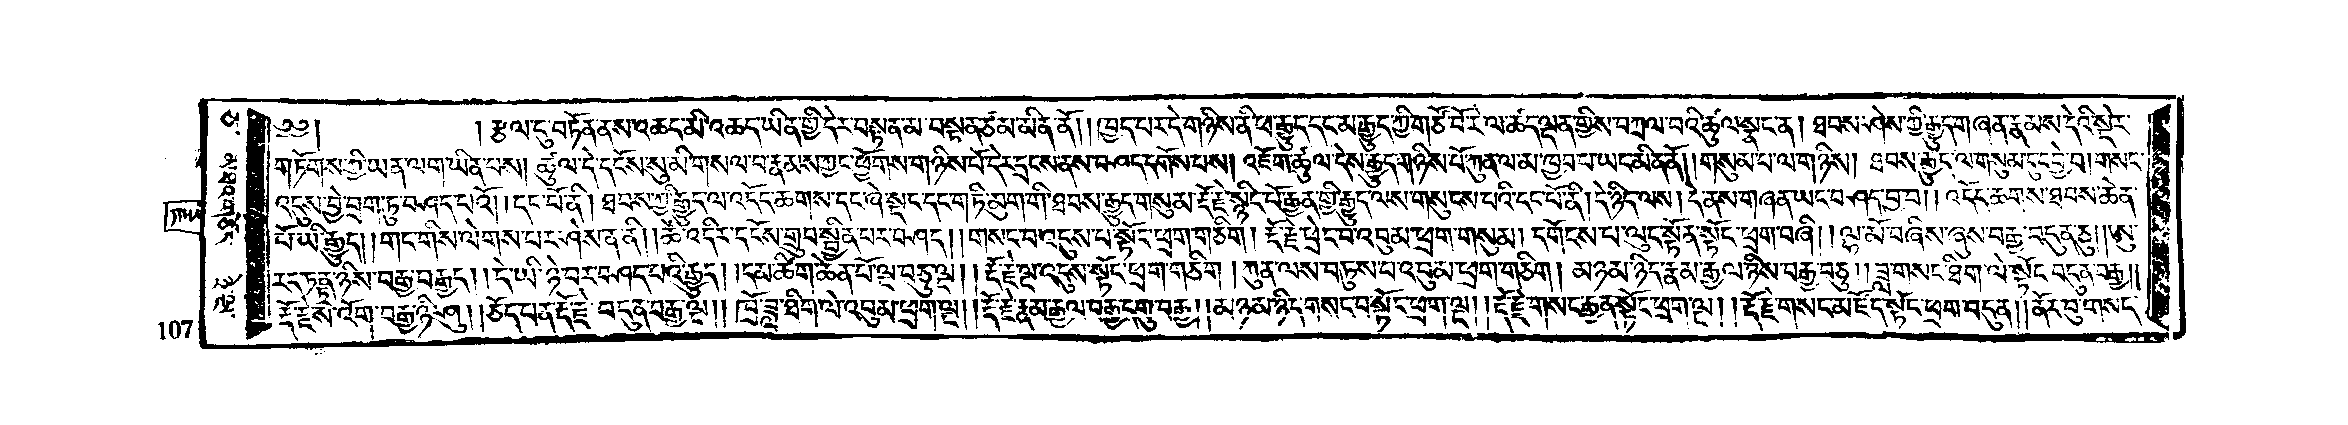༄༅། །རྩལ་དུ་བཏོན་ནས་འཆད་མི་འཆད་ཡིན་གྱི་དེར་བསྟན་མ་བསྟན་ཙམ་མིན་ནོ། །ཁྱད་པར་དེ་གཉིས་ནི་ཕ་རྒྱུད་དང་མ་རྒྱུད་ཀྱི་གཙོ་བོ་རེ་ལ་ཚད་ལྡན་གྱིས་བཀྲལ་བའི་ཚུལ་སྣང་ན། ཐབས་ཤེས་ཀྱི་རྒྱུད་གཞན་རྣམས་དེའི་སྡེར་
གཏོགས་ཀྱི་ཡན་ལག་ཡིན་པས། ཚུལ་དེ་དངོས་སུ་མི་གསལ་བ་རྣམས་ཀྱང་ཕྱོགས་གཉིས་པོ་དེར་དྲངས་ནས་བཤད་དགོས་པས། འཇོག་ཚུལ་དེས་རྒྱུད་གཉིས་པོ་ཀུན་ལ་མ་ཁྱབ་པ་ཡང་མིན་ནོ། །གསུམ་པ་ལ་གཉིས། ཐབས་རྒྱུད་ལ་གསུམ་དུ་དབྱེ་བ། གསང་
འདུས་བྱེ་བྲག་ཏུ་བཤད་པའོ། །དང་པོ་ནི། ཐབས་ཀྱི་རྒྱུད་ལ་འདོད་ཆགས་དང་ཞེ་སྡང་དང་གཏི་མུག་གི་ཐབས་རྒྱུད་གསུམ་རྡོ་རྗེ་སྙིང་པོ་རྒྱན་གྱི་རྒྱུད་ལས་གསུངས་པའི་དང་པོ་ནི། དེ་ཉིད་ལས། དེ་ནས་གཞན་ཡང་བཤད་བྱ་བ། །འདོད་ཆགས་ཐབས་ཆེན་
པོ་ཡི་རྒྱུད། །གང་གིས་ལེགས་པར་ཤེས་ན་ནི། །ཚེ་འདིར་དངོས་གྲུབ་སྦྱིན་པར་བཤད། །གསང་བ་འདུས་པ་སྟོང་ཕྲག་གཅིག །རྡོ་རྗེ་ཕྲེང་བ་འབུམ་ཕྲག་གསུམ། དགོངས་པ་ལུང་སྟོན་སྟོང་ཕྲག་བཞི། །ལྷ་མོ་བཞིས་ཞུས་བརྒྱ་བདུན་ཅུ། །ཨུ་
རད་ཏནྟྲ་ཉིས་བརྒྱ་བརྒྱད། །དེ་ཡི་ཉེ་བར་བཤད་པའི་རྒྱུད། །དམ་ཚིག་ཆེན་པོ་ལྔ་བཅུ་ལྔ། །རྡོ་རྗེ་ལྔ་འདུས་སྟོང་ཕྲག་གཅིག །ཀུན་ལས་བཏུས་པ་འབུམ་ཕྲག་གཅིག །མཉམ་ཉིད་རྣམ་རྒྱལ་ཉིས་བརྒྱ་བཅུ། །ཟླ་གསང་ཐིག་ལེ་སྟོང་བདུན་བརྒྱ། །
རྡོ་རྗེ་ས་འོག་བརྒྱ་ཉི་ཤུ། །ཅོད་པན་རྡོ་རྗེ་བདུན་བརྒྱ་ལྔ། །ཁྲོ་ཟླ་ཐིག་ལེ་འབུམ་ཕྲག་ལྔ། །རྡོ་རྗེ་རྣམ་རྒྱལ་བརྒྱ་དགུ་བརྒྱ། །མཉམ་ཉིད་གསང་བ་སྟོང་ཕྲག་ལྔ། །རྡོ་རྗེ་གསང་རྒྱན་སྟོང་ཕྲག་ལྔ། །རྡོ་རྗེ་གསང་མཛོད་སྟོང་ཕྲག་བདུན། །ནོར་བུ་གསད་